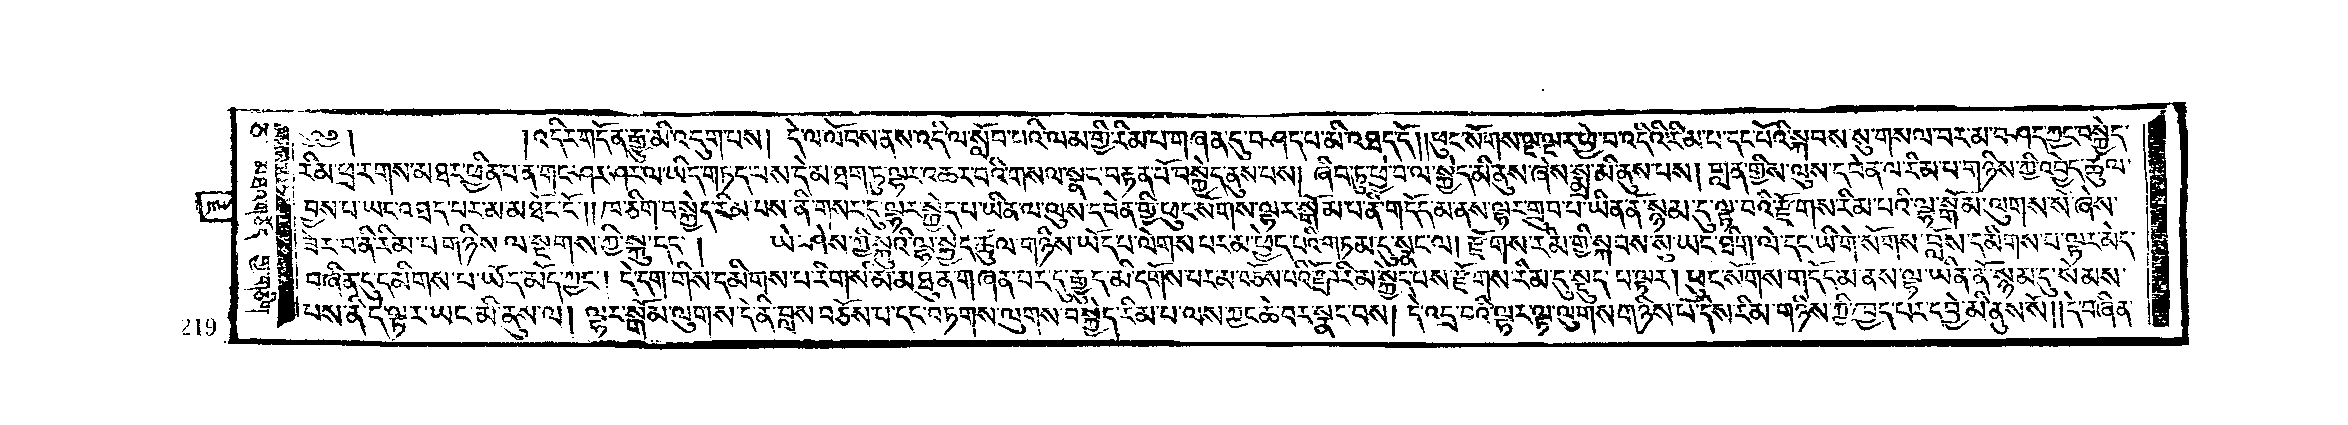༄༅། །འདིར་གདོན་རྒྱུ་མི་འདུག་པས། དེ་ལ་ལོབས་ནས་འདི་ལ་སློབ་པའི་ལམ་གྱི་རིམ་པ་གཞན་དུ་བཤད་པ་མི་འཐད་དོ། །ཕུང་སོགས་ལྔ་ལྔར་ཕྱེ་བ་འདིའི་རིམ་པ་དང་པོའི་སྐབས་སུ་གསལ་བར་མ་བཤད་ཀྱང་བསྐྱེད་
རིམ་ཕྲ་རགས་མཐར་ཕྱིན་པ་ན་གང་ཤར་ཤར་ལ་ཡིད་གཏད་པས་དེ་མ་ཐག་ཏུ་ལྷར་འཆར་བའི་གསལ་སྣང་བརྟན་པོ་བསྐྱེད་ནུས་པས། ཞིབ་ཏུ་ཕྱེ་བ་ལ་སྐྱེད་མི་ནུས་ཞེས་སྨྲ་མི་ནུས་པས། གླན་གྱིས་ལུས་དབེན་ལ་རིམ་པ་གཉིས་ཀྱི་འབྱེད་ཚུལ་
བྱས་པ་ཡང་འཐད་པར་མ་མཐོང་ངོ། །ཁ་ཅིག་བསྐྱེད་རིམ་པས་ནི་གསར་དུ་ལྷར་སྐྱེད་པ་ཡིན་ལ་ལུས་དབེན་གྱི་ཕུང་སོགས་ལྷར་སྒོམ་པ་ནི་གདོད་མ་ནས་ལྷར་གྲུབ་པ་ཡིན་ནོ་སྙམ་དུ་ལྟ་བའི་རྫོགས་རིམ་པའི་ལྷ་སྒོམ་ལུགས་སོ་ཞེས་
ཟེར་བ་ནི་རིམ་པ་གཉིས་ལ་སྔགས་ཀྱི་སྐུ་དང་། ཡེ་ཤེས་ཀྱི་སྐུའི་ལྷ་སྐྱེད་ཚུལ་གཉིས་ཡོད་པ་ལེགས་པར་མ་ཕྱེད་པའི་གཏམ་དུ་སྣང་ལ། རྫོགས་རིམ་གྱི་སྐབས་སུ་ཡང་ཐིག་ལེ་དང་ཡི་གེ་སོགས་བློས་དམིགས་པ་ལྟར་མེད་
བཞིན་དུ་དམིགས་པ་ཡོད་མོད་ཀྱང་། དེ་དག་གིས་དམིགས་པ་རིགས་མི་མཐུན་གཞན་བར་དུ་རྒྱུད་མི་དགོས་པར་མ་བཅོས་པའི་རྫོགས་རིམ་སྐྱེད་པས་རྫོགས་རིམ་དུ་སྡུད་པ་ལྟར། ཕུང་སོགས་གདོད་མ་ནས་ལྷ་ཡིན་ནོ་སྙམ་དུ་སེམས་
པས་ནི་དེ་ལྟར་ཡང་མི་ནུས་ལ། ལྷར་སྒོམ་ལུགས་དེ་ནི་བླས་བཅོས་པ་དང་བཏགས་ལུགས་བསྐྱེད་རིམ་པ་ལས་ཀྱང་ཆེ་བར་སྣང་བས། དེ་འདྲ་བའི་ལྷར་ལྟ་ལུགས་གཉིས་པོ་དེས་རིམ་གཉིས་ཀྱི་ཁྱད་པར་དབྱེ་མི་ནུས་སོ། །དེ་བཞིན་